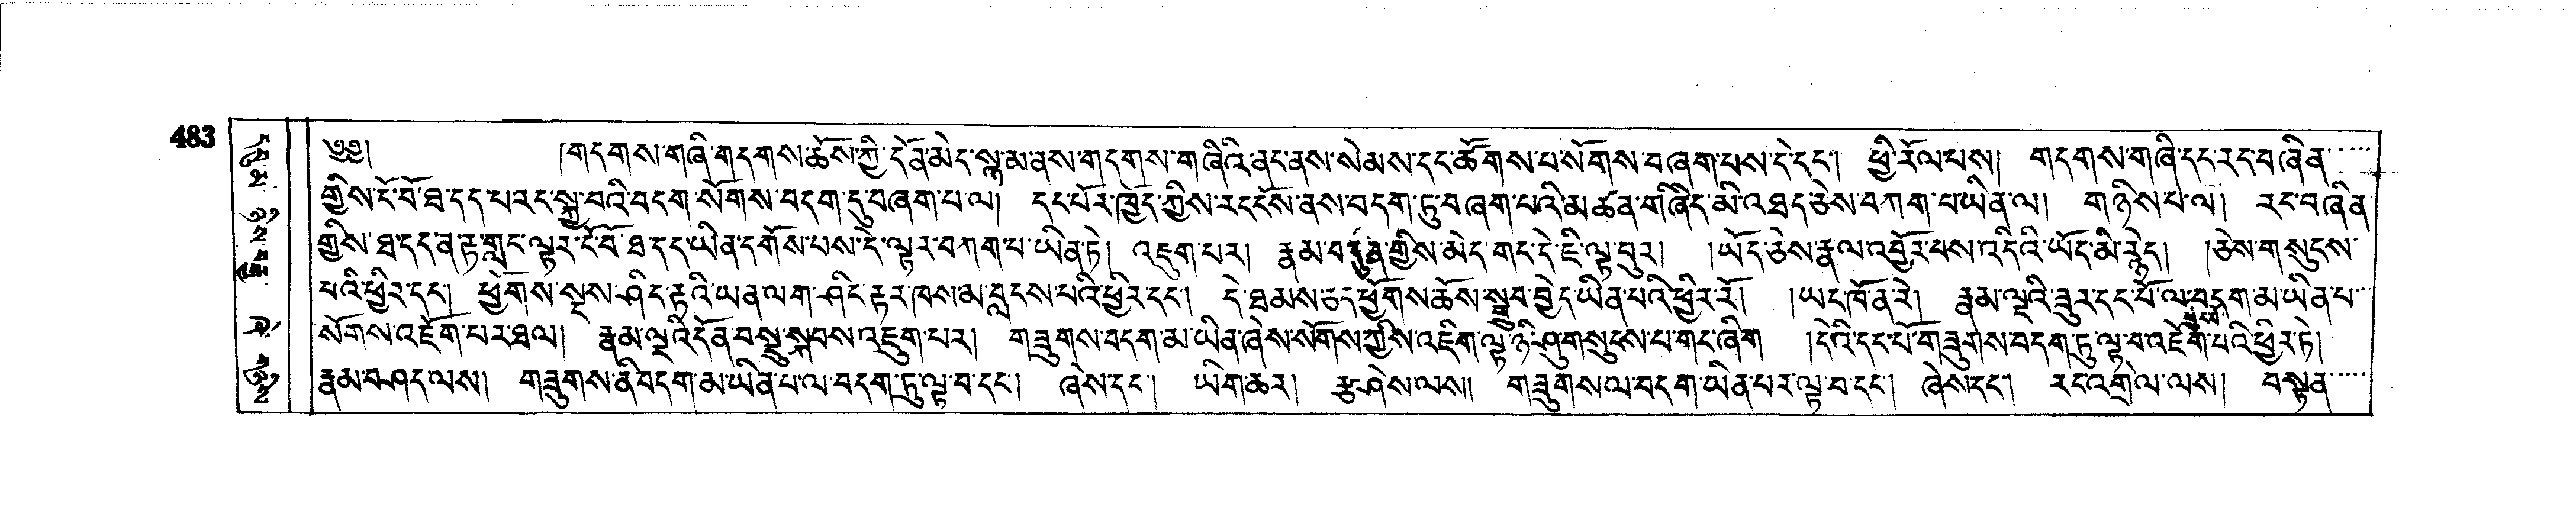༄༅། །གདགས་གཞི་གདགས་ཆོས་ཀྱི་དོན་མེད་སྙ་མ་ནས་གདགས་གཞིའི་ནང་ནས་སེམས་དང་ཚོགས་པ་སོགས་བཞག་པས་དེ་དང་། ཕྱི་རོལ་པས། གདགས་གཞི་དང་རང་བཞིན་
གྱིས་ངོ་བོ་ཐ་དད་པ་རང་སྐྱ་བའི་བདག་སོགས་བདག་དུ་བཞག་པ་ལ། དང་པོར་ཁྱོད་ཀྱིས་རང་ངོས་ནས་བདག་ཏུ་བཞག་པའི་མཚན་གཞི་དེ་མི་འཐད་ཅེས་བཀག་པ་ཡིན་ལ། གཉིས་པ་ལ། རང་བཞིན་
གྱིས་ཐ་དད་ན་རྟ་གླང་ལྟར་ངོ་བོ་ཐ་དད་ཡིན་དགོས་པས་དེ་ལྟར་བཀག་པ་ཡིན་ཏེ། འཇུག་པར། རྣམ་བདུན་གྱིས་མེད་གང་དེ་ཇི་ལྟ་བུར། །ཡོད་ཅེས་རྣལ་འབྱོར་བས་འདིའི་ཡོད་མི་རྙེད། །ཅེས་གསུངས་
པའི་ཕྱིར་དང་། ཕྱོགས་སྔས་ཤིང་རྟའི་ཡན་ལག་ཤིང་རྟར་ཁས་མ་བླངས་པའི་ཕྱིར་དང་། དེ་ཐམས་ཅད་ཕྱོགས་ཆོས་སྒྲུབ་བྱེད་ཡིན་པའི་ཕྱིར་རོ། །ཡང་ཁོ་ན་རེ། རྣམ་ལྔའི་ཟུར་དང་པོ་ལ་ཕུང་པོ་བདག་མ་ཡིན་པ་
སོགས་འཇོག་པར་ཐལ། རྣམ་ལྔའི་དོན་བསྡུ་སྐབས་འཇུག་པར། གཟུགས་བདག་མ་ཡིན་ཞེས་སོགས་ཀྱིས་འཇིག་ལྟ་ཉི་ཤུ་གསུངས་པ་གང་ཞིག །དེའི་དང་པོ་གཟུགས་བདག་ཏུ་ལྟ་བ་འཇོག་པའི་ཕྱིར་ཏེ།
རྣམ་བཤད་ལས། གཟུགས་ནི་བདག་མ་ཡིན་པ་ལ་བདག་ཏུ་ལྟ་བ་དང་། ཞེས་དང་། ཡིག་ཆར། རྩ་ཤེས་ལས། གཟུགས་ལ་བདག་ཡིན་པར་ལྟ་བ་དང་། ཞེས་དང་། རང་འགྲེལ་ལས། བསྟན་